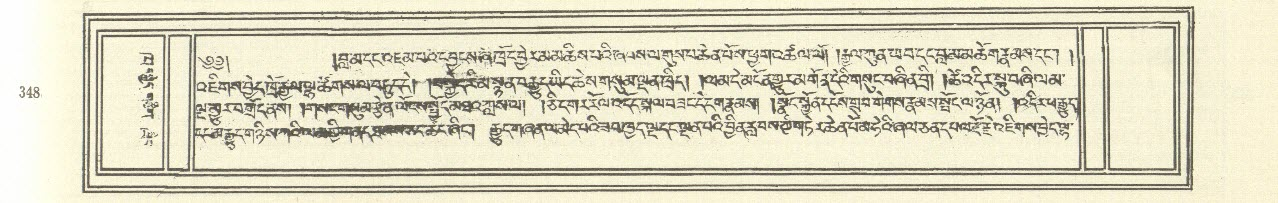༄༅། །བླ་མ་དང་འཇམ་པའི་དབྱངས་ཞི་ཁྲོ་དབྱེར་མ་མཆིས་པའི་ཞབས་ལ་གུས་པ་ཆེན་པོས་ཕྱག་འཚལ་ལོ། །རྒྱལ་ཀུན་ཡབ་དང་བླ་མ་མཆོག་རྣམས་དང་། །
འཇིགས་བྱེད་ཁྲོ་རྒྱལ་ལྷ་ཚོགས་ལ་བཏུད་དེ། །བསྐྱེད་རིམ་སྙན་བརྒྱུད་ཡིད་ཆེས་གསུམ་ལྡན་ཁྲིད། །ལམ་དེ་མངོན་གྱུར་མགོན་དེའི་གསུང་བཞིན་བྲི། །ཚེ་འདིར་སྐུ་བཞི་ལམ་
ལྔ་མྱུར་བགྲོད་ནས། །གསང་གསུམ་རྩེན་ལོངས་སྤྱོད་མཐའ་ཀླས་ལ། །ཅི་དགར་རོལ་འདོད་སྐལ་བཟང་དེ་དག་རྣམས། །སྣོད་སྐྱོན་དངོས་གྲུབ་གེགས་རྣམས་སྤོང་ལ་ཉོན། །འདིར་ཕ་རྒྱུད་
དང་མ་རྒྱུད་གཉིས་ཀའི་ལམ་གྱི་གནད་ཐམས་ཅད་ཚང་ཞིང་། རྒྱུད་གཞན་ལ་མེད་པའི་ཟབ་ཁྱད་ལྔ་དང་ལྡན་པའི་བྱིན་རླབས་ཀྱི་གཏེར་ཆེན་པོ་མ་ཧེའི་ཞལ་ཅན་དཔལ་རྡོ་རྗེ་འཇིགས་བྱེད་ལྷ་